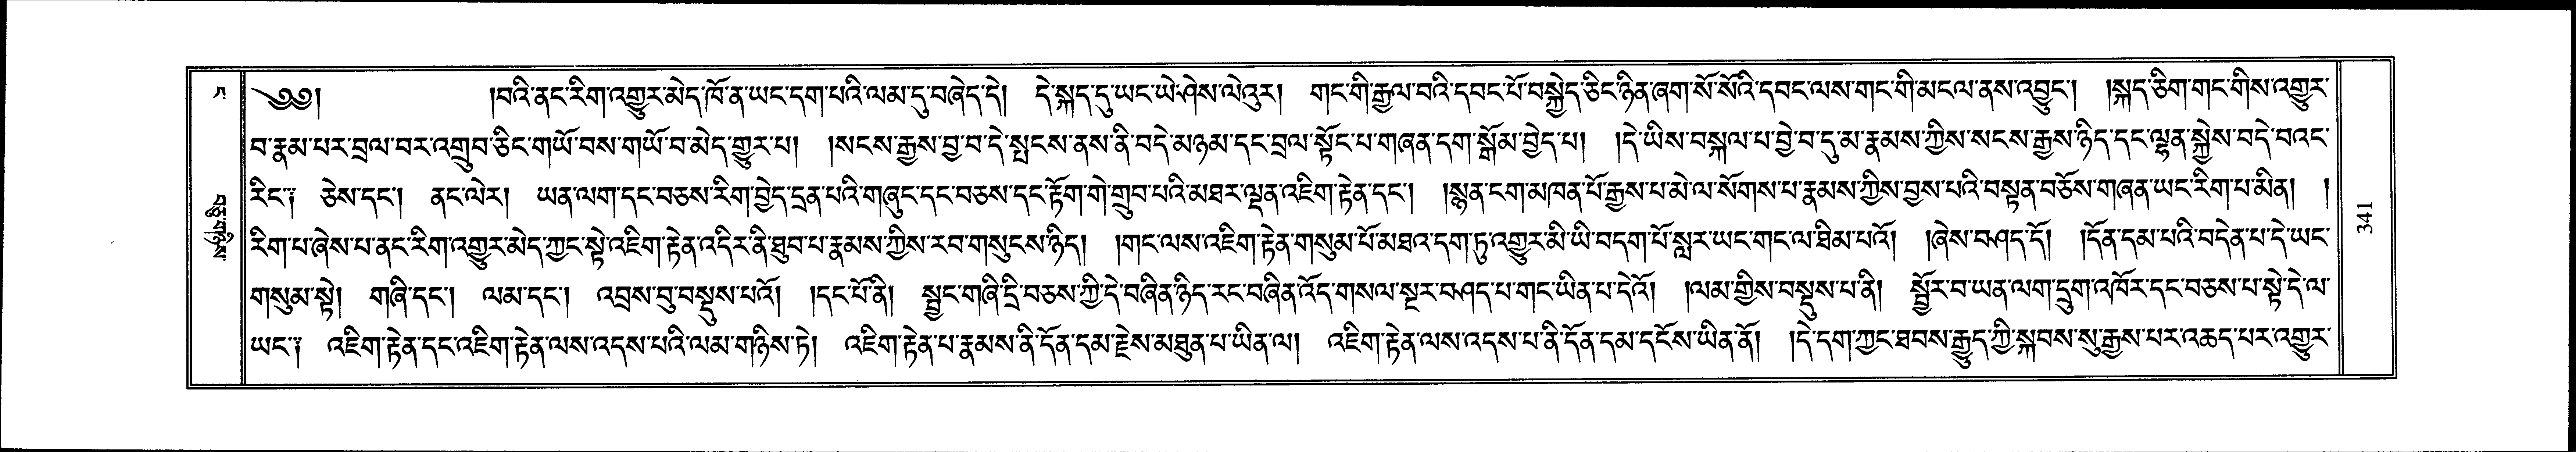༄༅། །བའི་ནང་རིག་འགྱུར་མེད་ཁོ་ན་ཡང་དག་པའི་ལམ་དུ་བཞེད་དེ། དེ་སྐད་དུ་ཡང་ཡེ་ཤེས་ལེའུར། གང་གི་རྒྱལ་བའི་དབང་པོ་བསྐྱེད་ཅིང་ཉིན་ཞག་སོ་སོའི་དབང་ལས་གང་གི་མངལ་ནས་འབྱུང་། །སྐད་ཅིག་གང་གིས་འགྱུར་
བ་རྣམ་པར་བྲལ་བར་འགྲུབ་ཅིང་གཡོ་བས་གཡོ་བ་མེད་གྱུར་པ། །སངས་རྒྱས་བྱ་བ་དེ་སྤངས་ནས་ནི་བདེ་མཉམ་དང་བྲལ་སྟོང་པ་གཞན་དག་སྒོམ་བྱེད་པ། །དེ་ཡིས་བསྐལ་པ་བྱེ་བ་དུ་མ་རྣམས་ཀྱིས་སངས་རྒྱས་ཉིད་དང་ལྷན་སྐྱེས་བདེ་བའང་
རིང་། ཅེས་དང་། ནང་ལེར། ཡན་ལག་དང་བཅས་རིག་བྱེད་དྲན་པའི་གཞུང་དང་བཅས་དང་རྟོག་གེ་གྲུབ་པའི་མཐར་ལྡན་འཇིག་རྟེན་དང་། །སྙན་ངག་མཁན་པོ་རྒྱས་པ་མེ་ལ་སོགས་པ་རྣམས་ཀྱིས་བྱས་པའི་བསྟན་བཅོས་གཞན་ཡང་རིག་པ་མིན།།
རིག་པ་ཞེས་པ་ནང་རིག་འགྱུར་མེད་ཀྱང་སྟེ་འཇིག་རྟེན་འདིར་ནི་ཐུབ་པ་རྣམས་ཀྱིས་རབ་གསུངས་ཉིད། །གང་ལས་འཇིག་རྟེན་གསུམ་པོ་མཐའ་དག་ཏུ་འགྱུར་མི་ཡི་བདག་པོ་སླར་ཡང་གང་ལ་ཐིམ་པའོ། །ཞེས་བཤད་དོ། དོན་དམ་པའི་བདེན་པ་དེ་ཡང་
གསུམ་སྟེ། གཞི་དང་། ལམ་དང་། འབྲས་བུ་བསྡུས་པའོ། །དང་པོ་ནི། སྦྱང་གཞི་དྲི་བཅས་ཀྱི་དེ་བཞིན་ཉིད་རང་བཞིན་འོད་གསལ་སྔར་བཤད་པ་གང་ཡིན་པ་དེའོ། །ལམ་གྱིས་བསྡུས་པ་ནི། སྦྱོར་བ་ཡན་ལག་དྲུག་འཁོར་དང་བཅས་པ་སྟེ་དེ་ལ་
ཡང་། འཇིག་རྟེན་དང་འཇིག་རྟེན་ལས་འདས་པའི་ལམ་གཉིས་ཏེ། འཇིག་རྟེན་པ་རྣམས་ནི་དོན་དམ་རྗེས་མཐུན་པ་ཡིན་ལ། འཇིག་རྟེན་ལས་འདས་པ་ནི་དོན་དམ་དངོས་ཡིན་ནོ། །དེ་དག་ཀྱང་ཐབས་རྒྱུད་ཀྱི་སྐབས་སུ་རྒྱས་པར་འཆད་པར་འགྱུར་